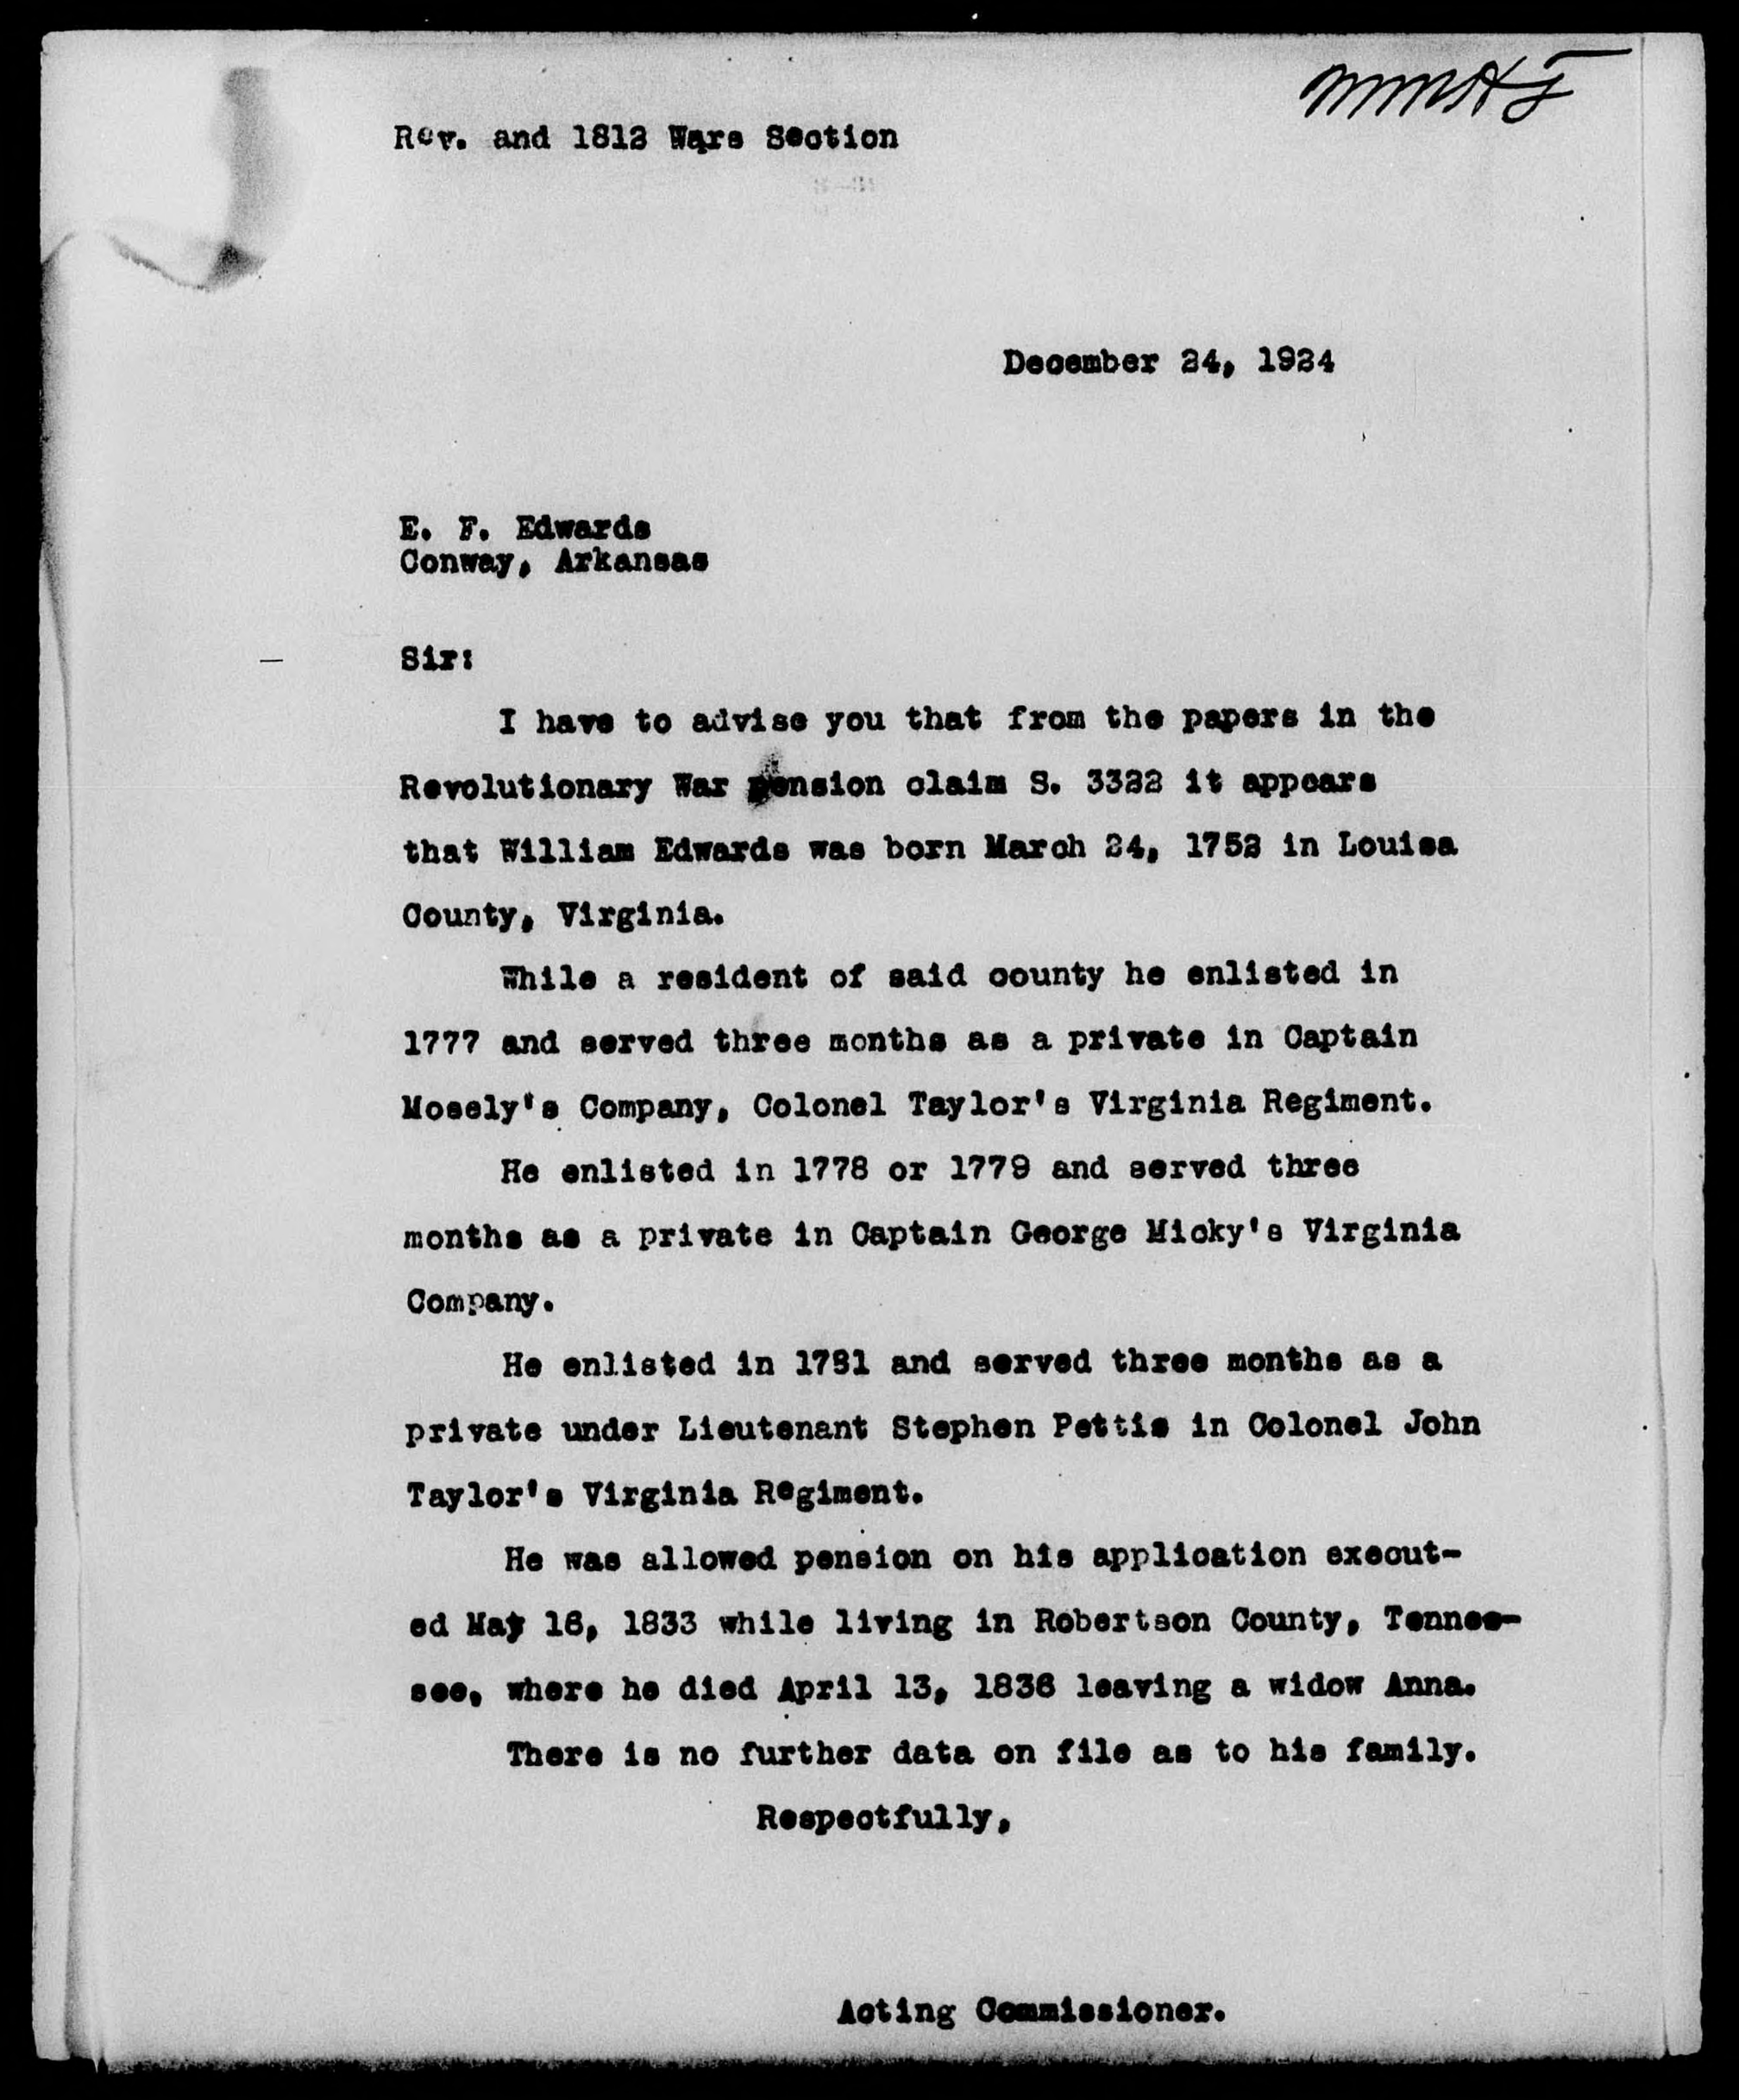MMHF
Rev. and 1812 Wars Section

December 24, 1924

E. F. Edwards
Conway, Arkansas

Sir:

I have to advise you from the papers in the Revolutionary War pension claim, S. 3322 it appears that William Edwards was born March 24, 1752 in Louisa County, Virginia.
While a resident of said county he enlisted in 1777 and served three months as a private in Captain Mosely's Company, Colonel Taylor's Virginia Regiment.
He enlisted in 1778 or 1779 and served three months as a private in Captain George Micky's Virginia Company. 
He enlisted in 1781 and served three months as a private under Lieutenant Stephen Pettis in Colonel John Taylor's Virginia Regiment.
He was allowed pension on his application executed May 16, 1833 while living in Robertson County, Tennessee, where he died April 13, 1836, leaving a widow, Anna.
There is no further data on file as to his family.
Respectfully,

Acting Commissioner.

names: Stephen Pettis, Anna, William Edwards, E F Edwards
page: 31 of 47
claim: survivor's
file: S. 3,322, William Edwards, Va.